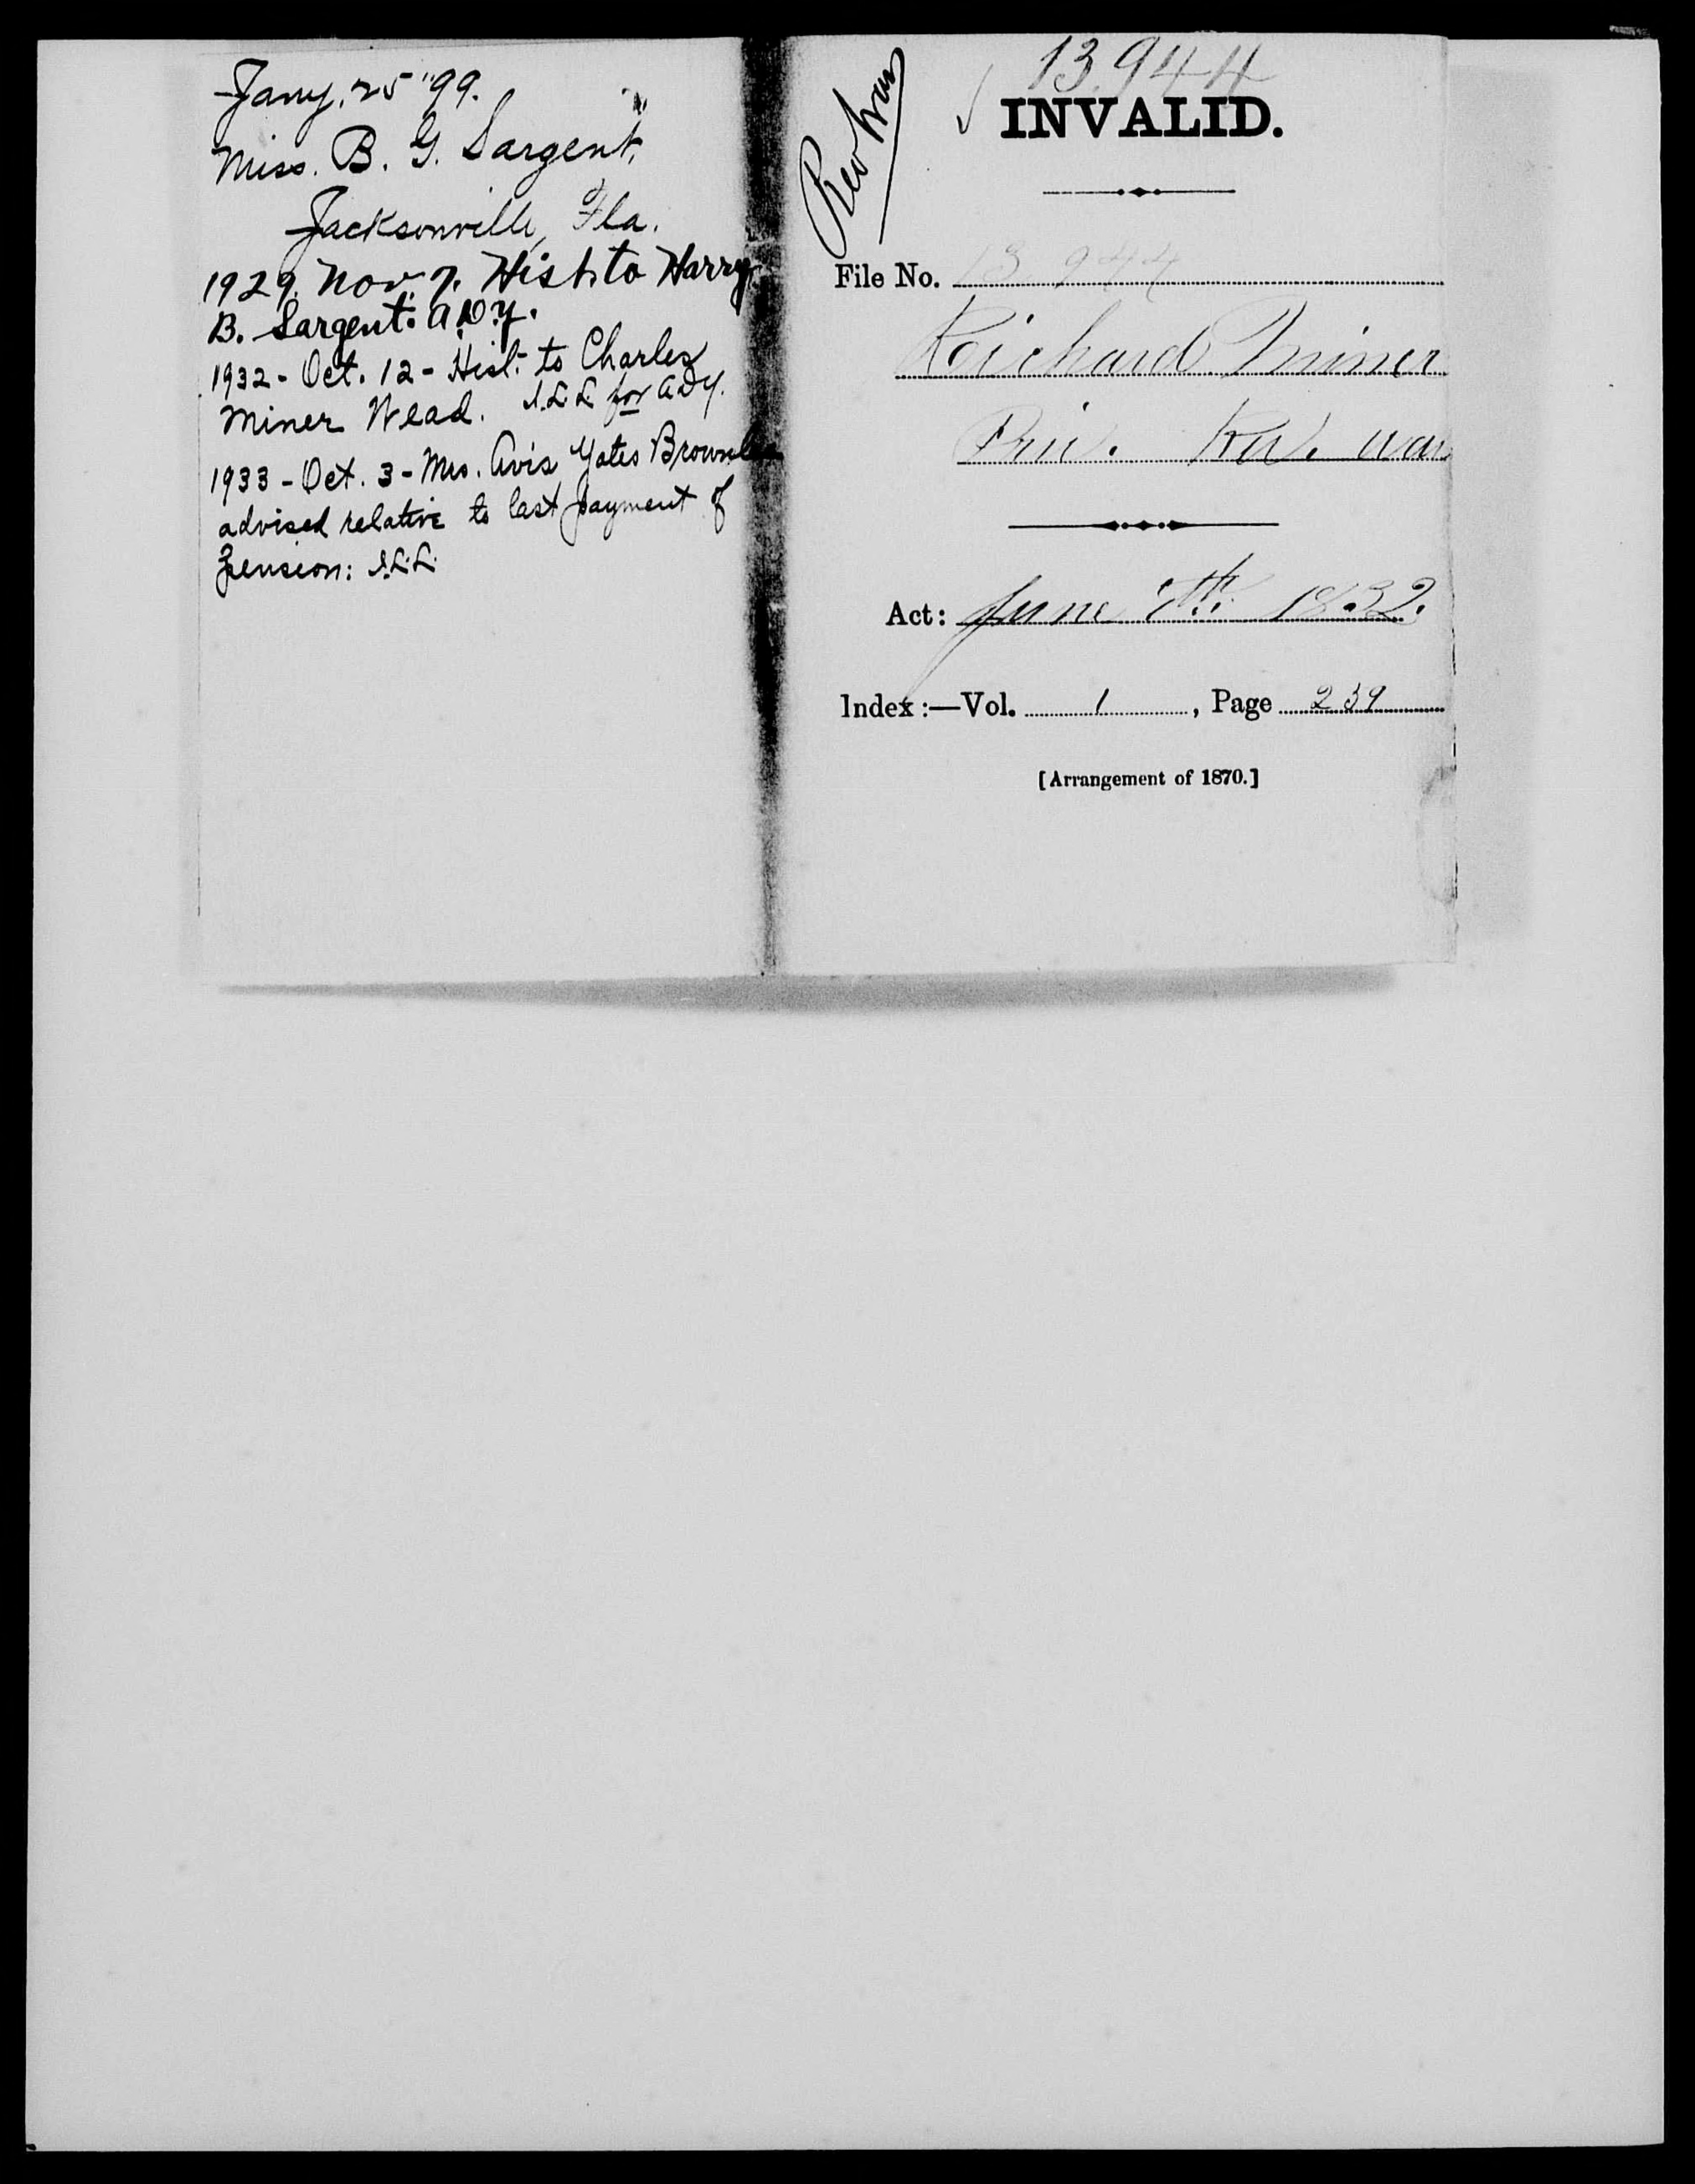Jan 25 ‘99
Miss. B. G. Sargent
Jacksonville, Fla
1929 Nov. 7. Hist. To Harry B. Sargent. A D.Y.
1932 - Oct 12 - Hist to Charles Miner Wead. I.L.L.  For ADY.
1933 - Oct. 3 - Mrs. Avis Yates Brownley advised relative to last payment of pension: I.L.L.
13.944
Invalid
Rev War
File No. 13.944
Richard Miner
Priv. Rev. War
Act: June 7th 1832
Index: - Vol. 1, Page 239 (Arrangement of 1870)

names: Richard Miner; B G Sargent; Avis Yates Brownlee; Charles Miner Wead; Harry B Sargent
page: 12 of 34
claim: survivor's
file: S. 13944, for Richard Miner, Massachusetts